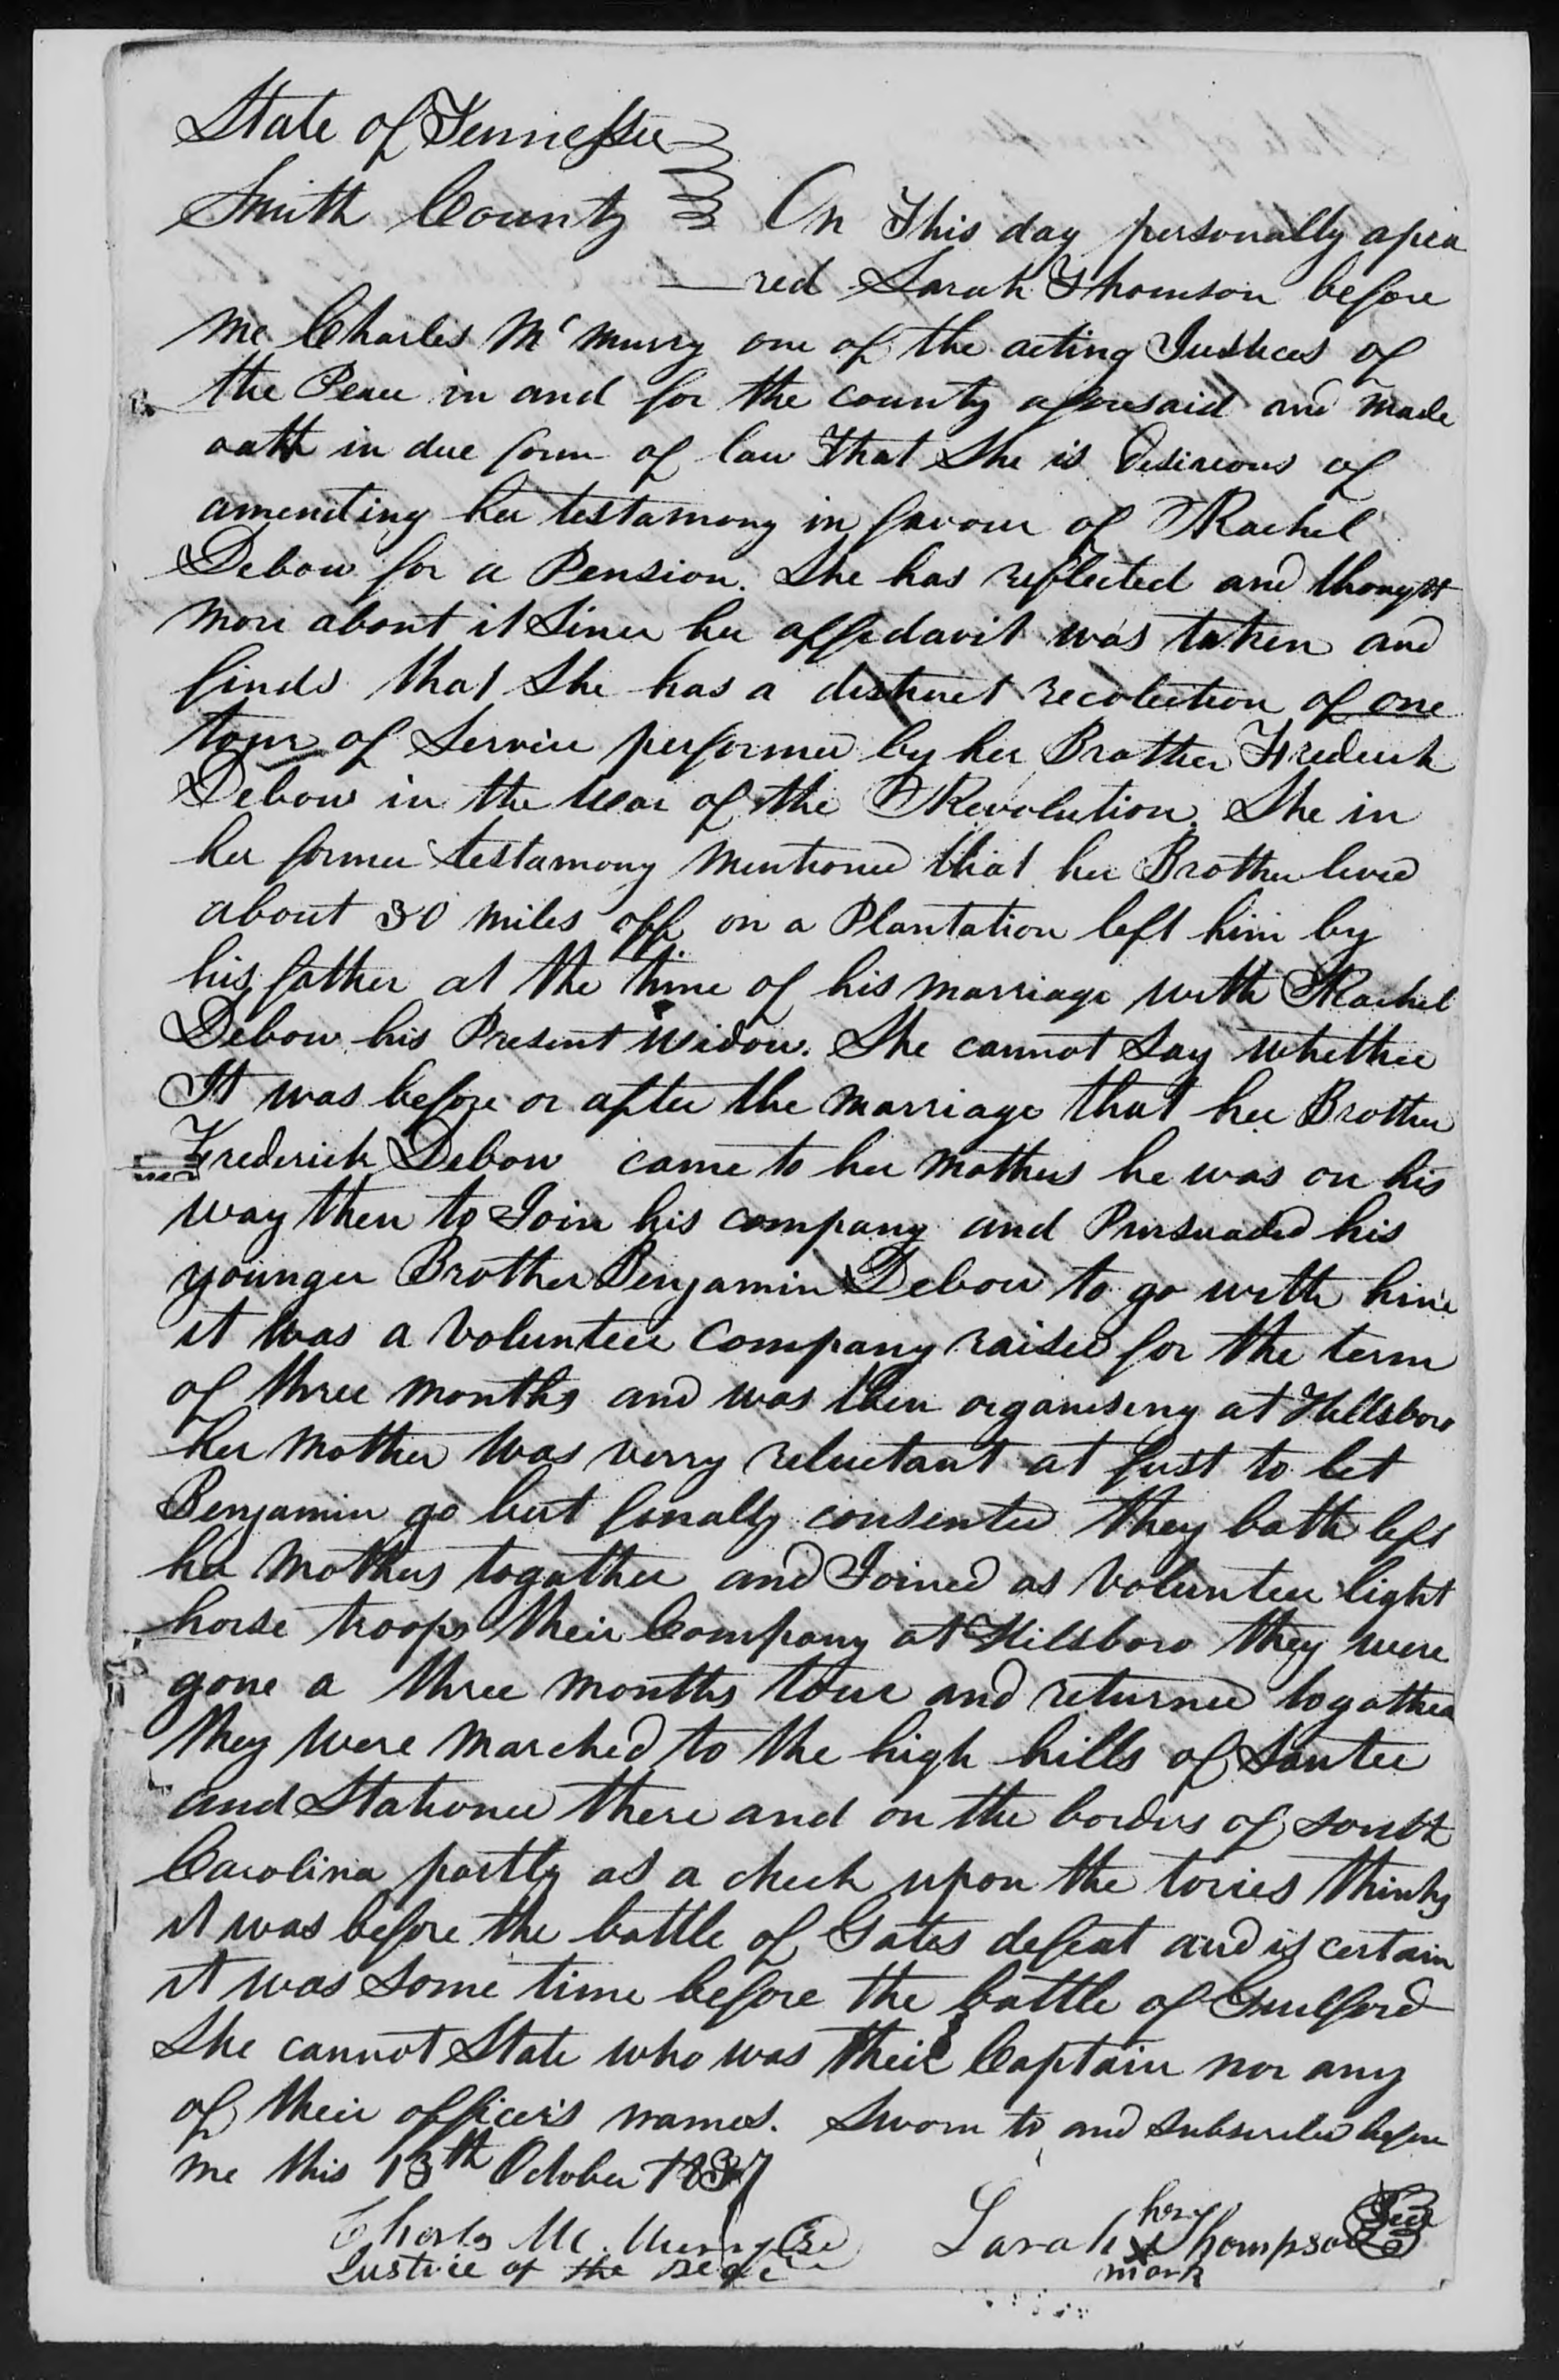State of Tennessee}
Smith County} On this day personally apear-
Ed Sarah Thomson before 
Me Charles McMurry one of the acting justices of
The Peace in and for the county aforesaid and made
Oath in due form of law that she is [illegible] of
Amending her testimony in favor of Rachel
Debow for a pension. She has reflected and thought
More about it since her affidavit was taken and
Finds that she has a distinct recollection of one
Tour of service performed by her Brother Frederick
Debow in the War of the Revolution She in 
Her former testimony mentioned that her brother lives
About 30 miles off on a plantation let him by
His father at the time of his marriage with Rachel
Debow his present widow. She cannot say whether
It was before or after the marriage that her Brother
Frederick Debow came to his mothers he was on his
Way to join his company and persuaded his 
Younger Brother Benjamin Debow to go with him 
It has a volunteer company raised for the term
Of three months and was then organizing at Hillsboro
Her mother was very reluctant at first to let 
Benjamin go but finally consented. They both left
His mothers together and joined as volunteer light
Horse troops their company at Hillsboro they were
Gone a three months tour and returned together.
They were marched to the high hills of South
And Stahonee there and on the borders of South
Carolina partly as a check upon the tories thinking
It was before the battle of Gates defeat and is certain
It was some time before the battle of Guilford
She cannot state who was their Captain nor any
Of their officers names. Sworn to and subscribed before
Me this 13th October 1837  
Charles McMurry, seal	          Her
Justice of the Peace         Sarah X Thomson Seal
                                                     mark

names: Fredrick Debow, Benjamin, Sarah Thompson, Charles Mc Murry, Charles Mc Murry, Sarah Thomson, Frederick Debow, Rachel Debow, Benjamin Debow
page: 10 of 62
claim: widow's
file: W 7005, Frederick Debow, N.C.